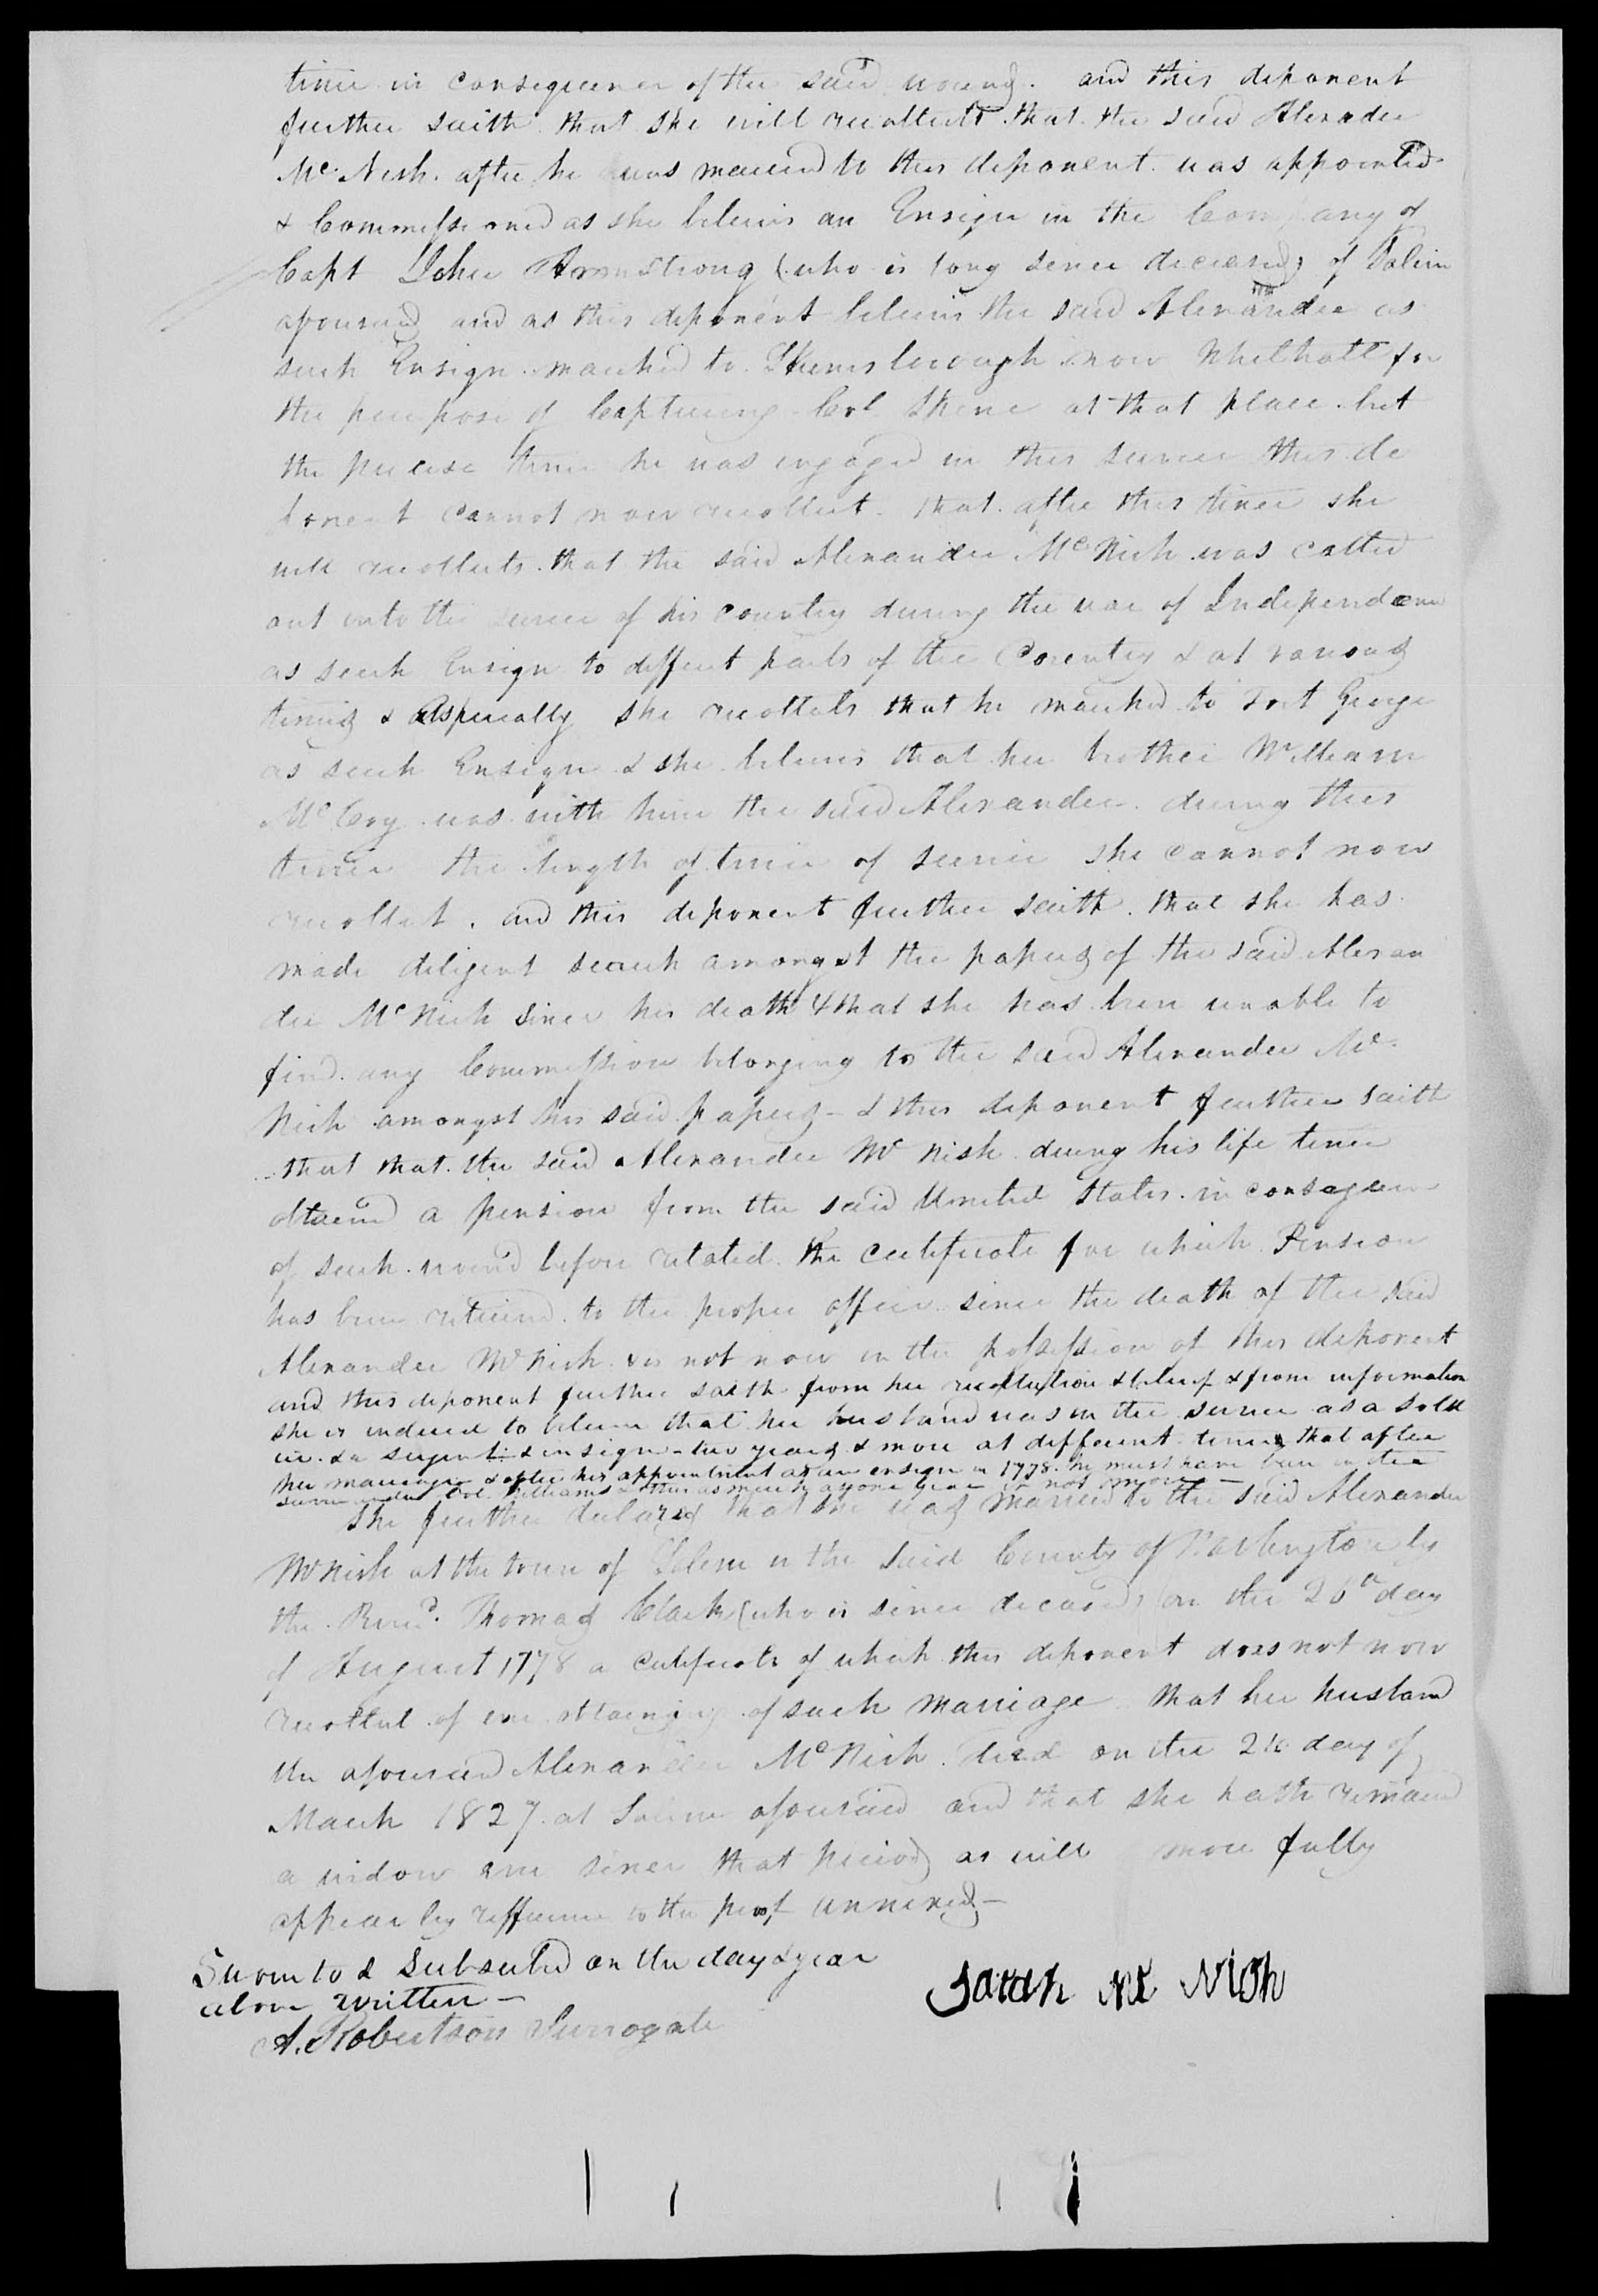time in consequence of the said wound. And this deponent further saith that she will recollect that the said Alexander McNish after he was married to this deponent was appointed and commissioned as she believes as an Ensign in the Company of Capt. John Armstrong (who is long since deceased) of Salem aforesaid and as this deponent believes the said Alexander as such ensign marched to Lanesborough now Whitehall for the purpose of capturing Col. Skene at that pace but the precise time he was engaged in this service this deponent cannot recollect. That at the time she well recollects that the said Alexander McNish was called out into the service of his country during the war of Independence as such Ensign to different parts of the Country and at (unknown) and especially she recollects that he marched to Fort George as such Ensign and she believes that her brother William McCoy was with him the said Alexander during their time the length of time of service she cannot now recollect. And this deponent further saith that she has made diligent search amongst the papers of the said Alexander McNish since his death and that she has been unable to find any commission belonging to the said Alexander McNish amongst his said papers and this deponent further saith that the said Alexander McNish during his life time obtained a pension from the United States in consequence of such (unknown) the certificate for which pension has been returned to the proper office since the death of the said Alexander McNish and is not now in the possession of this deponent and this deponent further saith from her re4collection and  belief and from information she is rendered to believe that her husband was in the service as a soldier and a subscribed ensign two years and more at different times that after her manager and after her appointed as an ensign in 1778 he must have been in due service in Col. Wiliams and others at one year in not anymore.
She further declares that she was married to the said Alexander McNish at the town of Salem in the said County of Washington the Rev'd Thomas Clark (who is since deceased) on the 20th day of August 1778 a certificate of which this deponent does not now recollect of obtaining of such marriage. That her husband the aforesaid Alexander McNish died on the 26 day of March 1827 at Salem aforesaid and that she hath remained a widow ever since that period as will more fully appear by reference to the proof annexed. 

Sarah McNish

Sworn to and subscribed on the day and year
above written
A. Robertson Surrogate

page: 19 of 42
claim: widow's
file: W. 23,937 S. 28094, for Alexander Mc Nish, New York